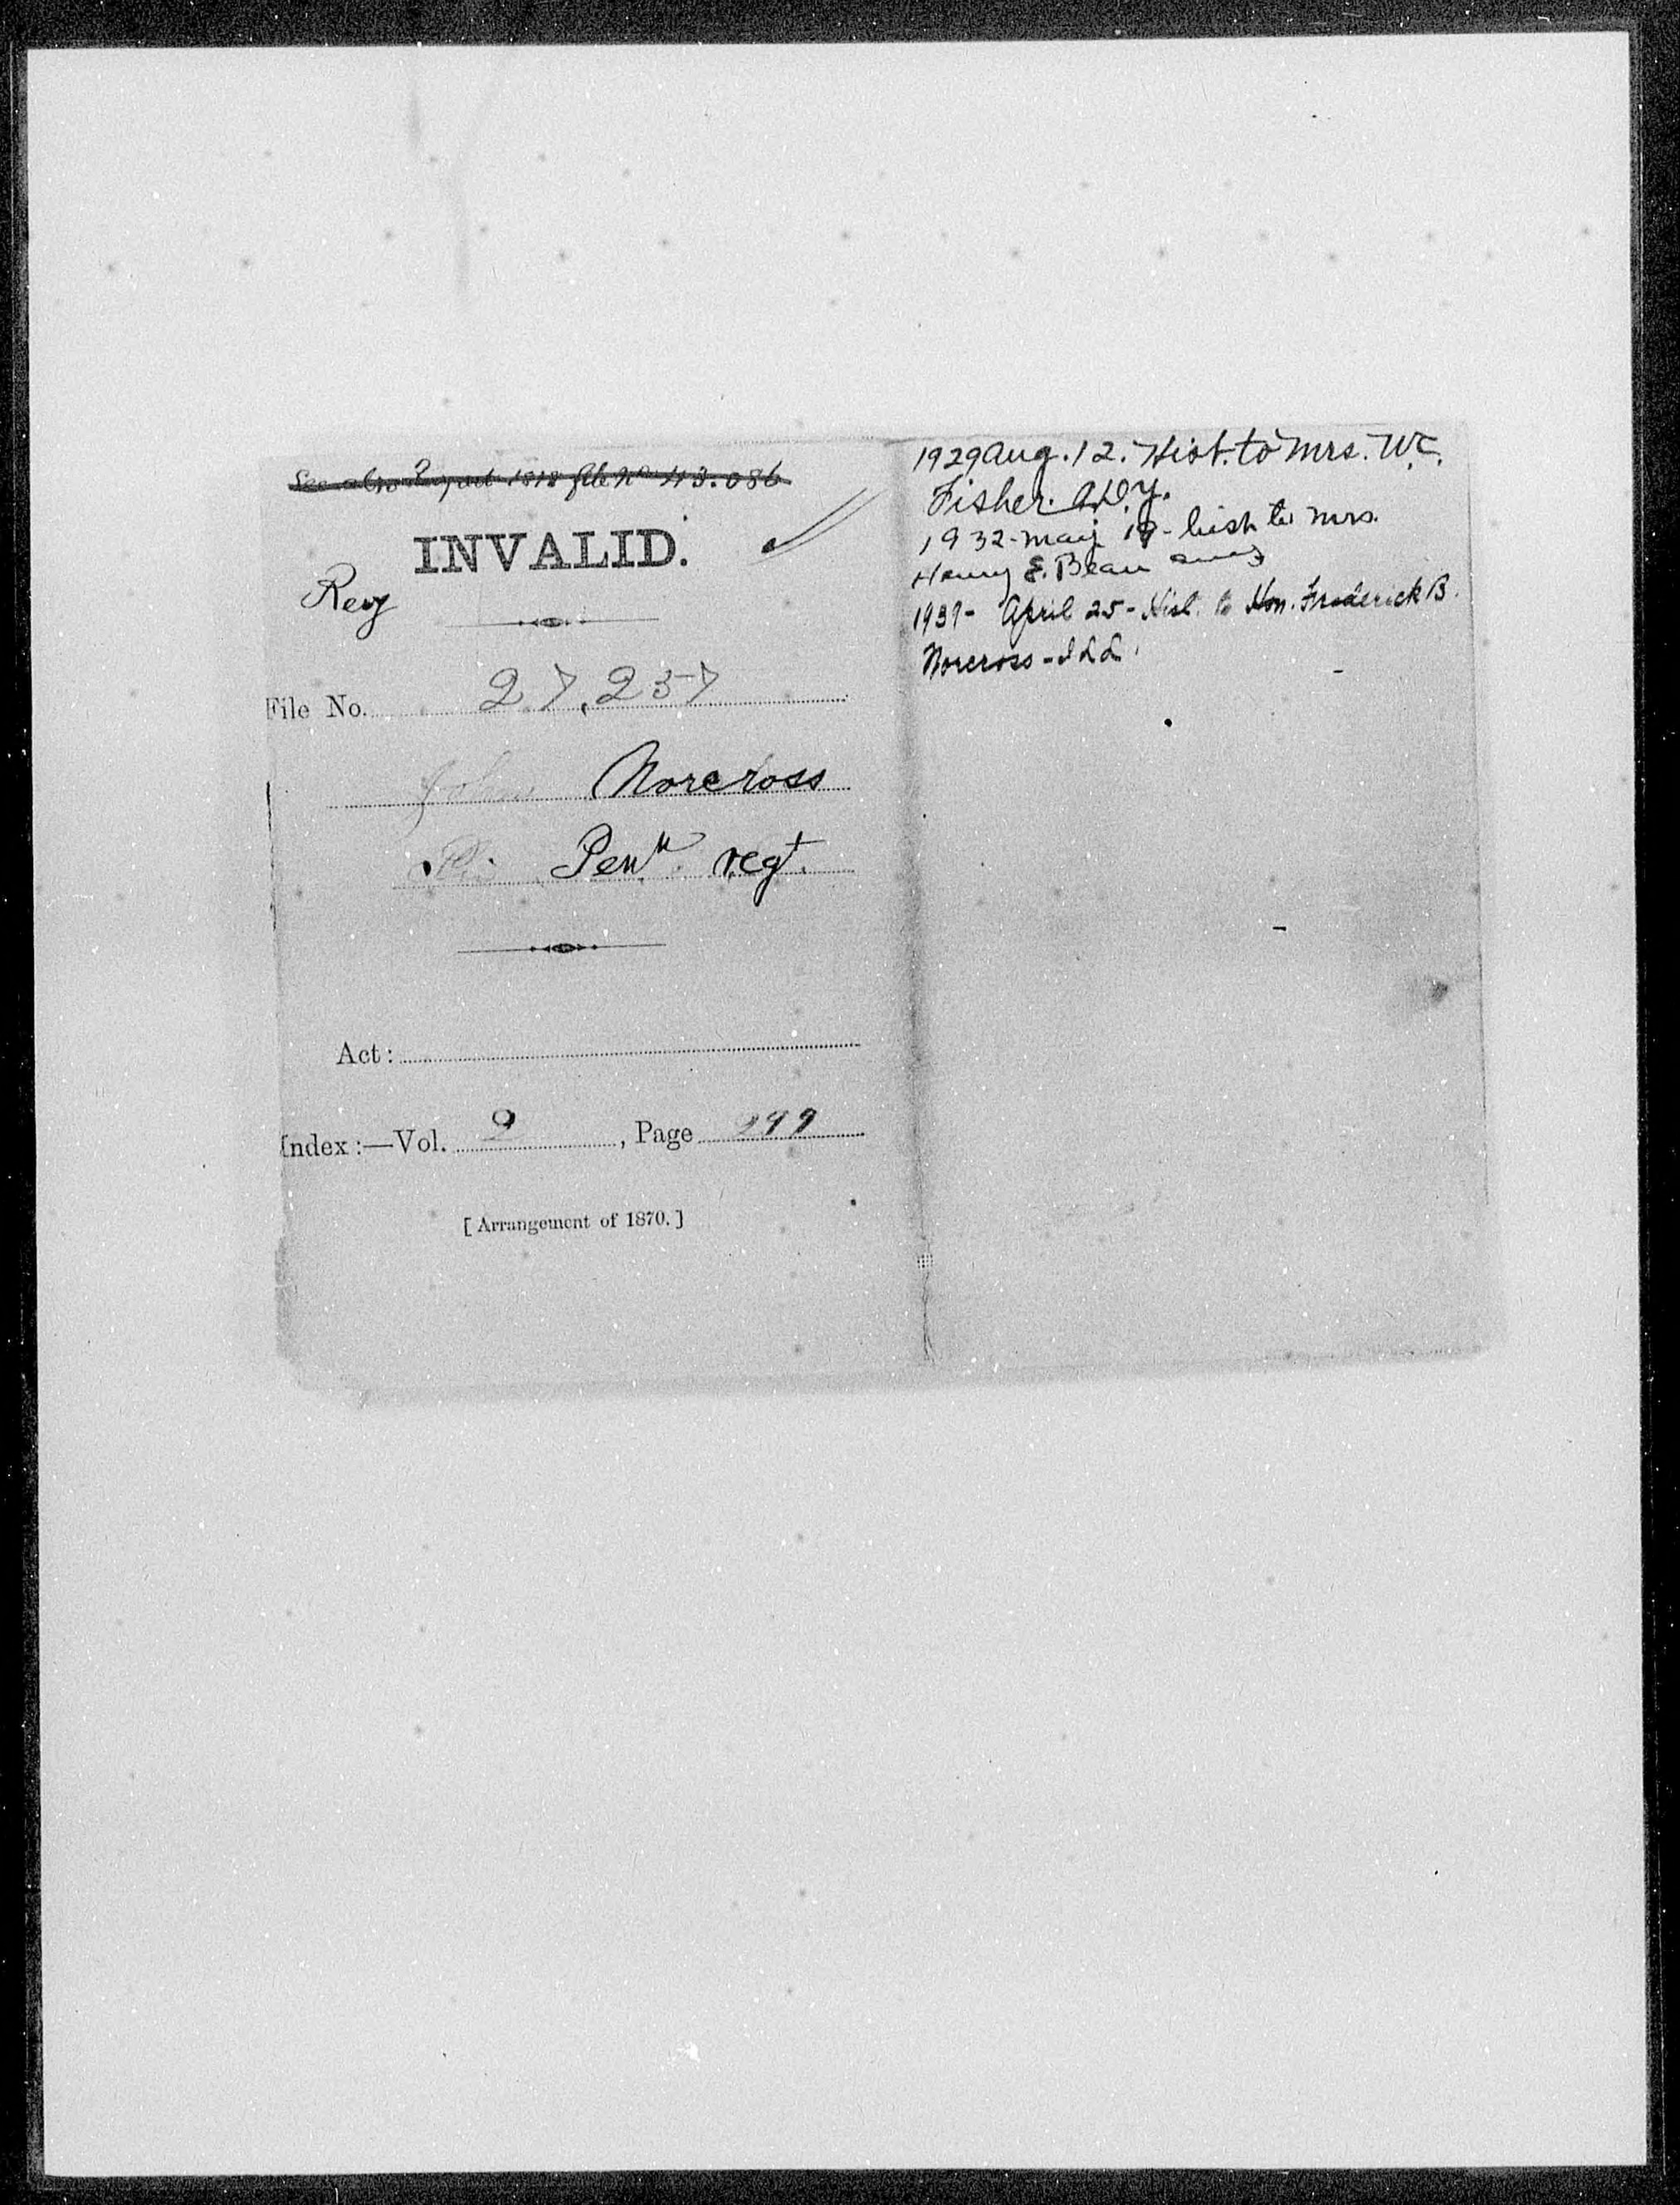[Left page]

[Crossed out] See also Act 1818 file no. 43086

INVALID

Recy.

File No. 27237
John Norcross
The Penn Regt.

Act: [blank]
Index: Vol. 2, Page 297

[Arrangement of 1870.]

[Right page]

1929 Aug 12. Hist. to Mrs. W.C.
Fisher, NY.

1932 Mar 19 - hist to Mrs. 
Henry E. Bean, Mass.

1937 April 25 - Hist. to Hon. Frederick B.
Norcross - ILL.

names: W C Fisher; Henry E Bean; Frederick B Norcross; John Norcross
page: 21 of 23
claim: survivor's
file: S. 27257, for John Norcross, Pennsylvania